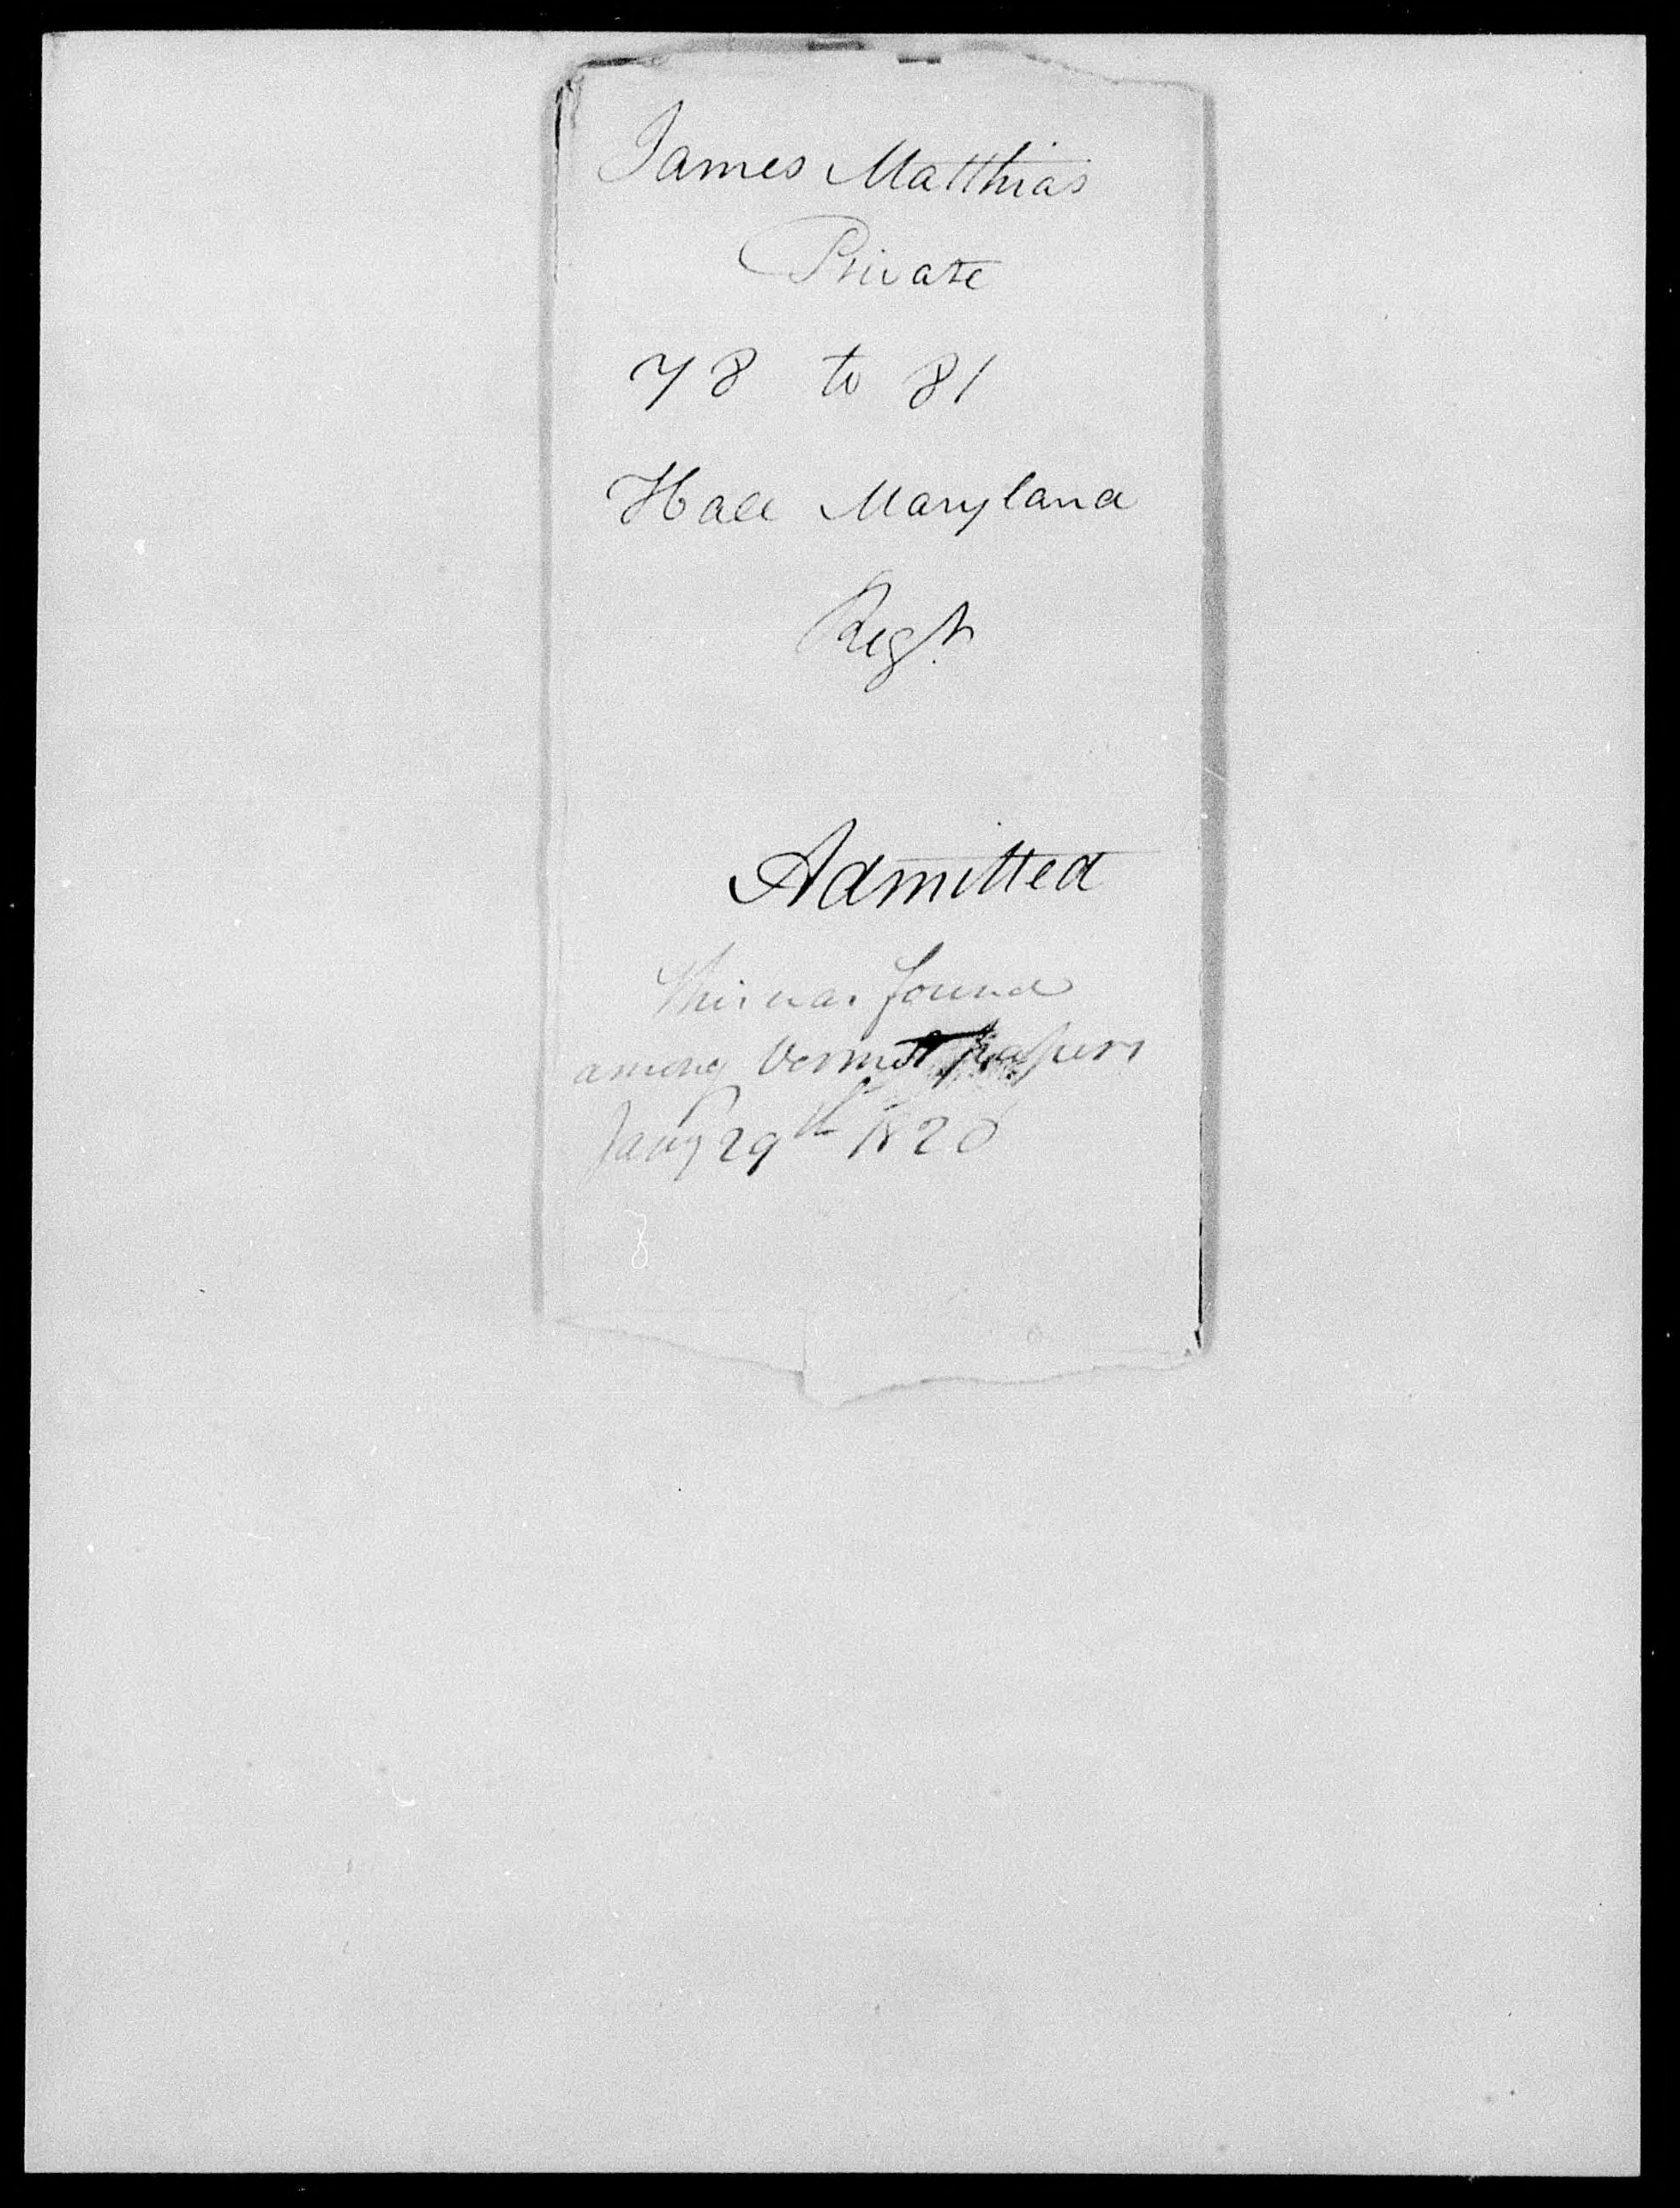James Matthias
Private

78 to 81
Hall Maryland
Regt

Admitted

this was found
among Vermont papers
Jan'y 29th 1820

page: 10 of 20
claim: survivor's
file: S. 40,119, for James Mathias, Maryland